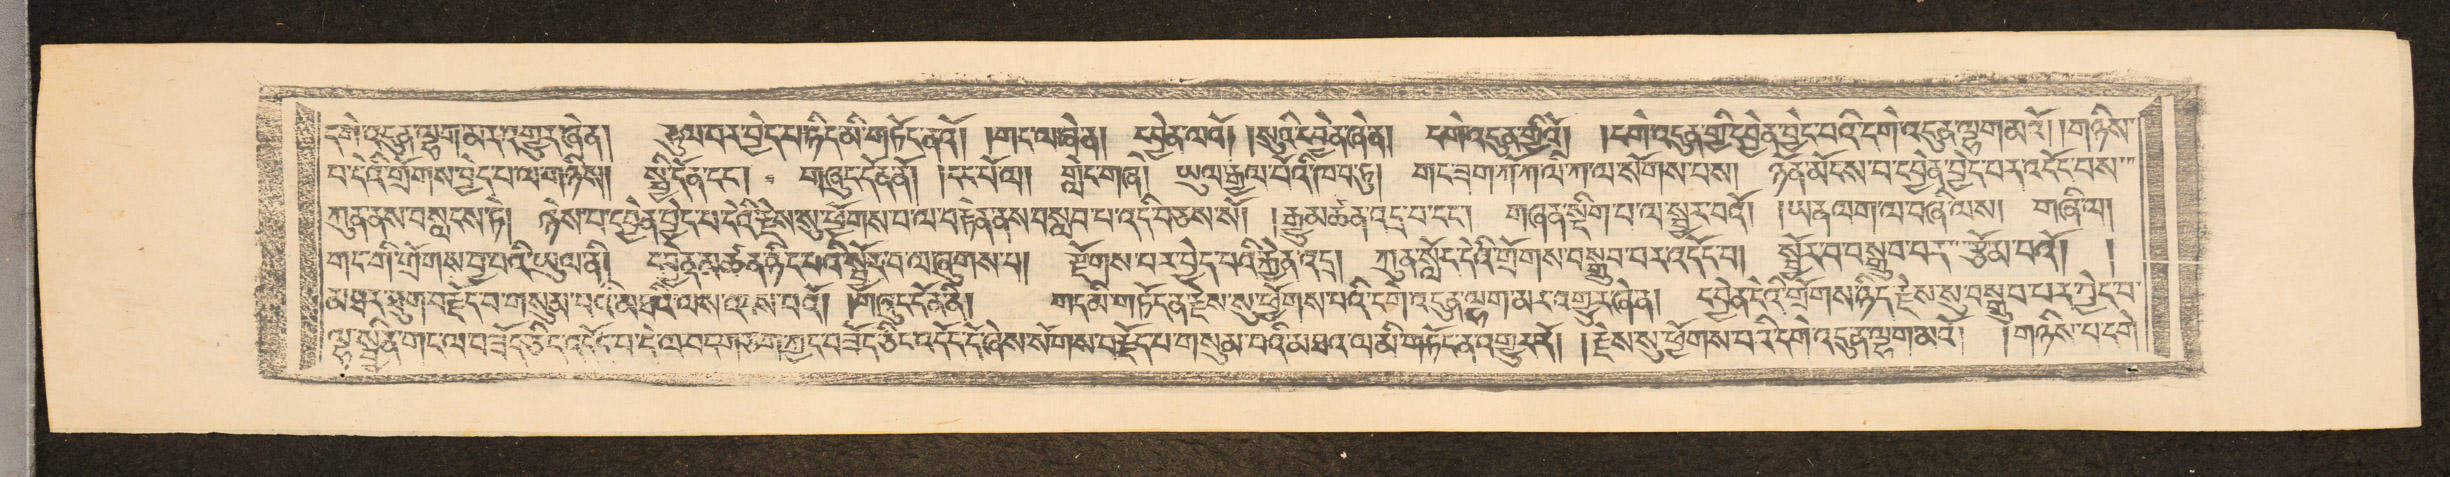དགེ་འདུན་ལྷག་མར་འགྱུར་ཞེ་ན། རྟུལ་བར་བྱེད་པ་ཉིད་མི་གཏོང་ནའོ། །གང་ལ་ཞེ་ན། དབྱེན་ལའོ། །སུའི་དབྱེན་ཞེ་ན། དགེ་འདུན་གྱིའོ། །དགེ་འདུན་གྱི་དབྱེན་བྱེད་པའི་དགེ་འདུན་ལྷག་མའོ། །གཉིས་
པ་དེའི་གྲོགས་བྱེད་པ་ལ་གཉིས། སྤྱི་དོན་དང་། གཞུང་དོན་ནོ། །དང་པོ་ལ། གླེང་གཞི། ཡུལ་རྒྱལ་པོའི་ཁབ་ཏུ། གང་ཟག་ཀོ་ཀ་ལི་ཀ་ལ་སོགས་པས། ཉོན་མོངས་པ་དབྱེན་བྱེད་པར་འདོད་པས་
ཀུན་ནས་བསླངས་ཏེ། ཉེས་པ་དབྱེན་བྱེད་པ་དེའི་རྗེས་སུ་ཕྱོགས་པ་ལ་བརྟེན་ནས་བསླབ་པ་འདི་བཅས་སོ། །རྒྱུ་མཚན་འདྲ་བ་དང་། གཞན་སྡིག་པ་ལ་སྦྱར་བའོ། །ཡན་ལག་ལ་བཞི་ལས། གཞི་ལ།
གང་གི་གྲོགས་བྱ་བའི་ཡུལ་ནི། དབྱེན་མཚན་ཉིད་པའི་སྦྱོར་བ་ལ་ཞུགས་པ། རྫོགས་པར་བྱེད་པའི་རྐྱེན་འདྲ། ཀུན་སློང་དེའི་གྲོགས་བསྒྲུབ་པར་འདོད་པ། སྦྱོར་བ་བསྒྲུབ་པར་རྩོམ་པའོ། །
མཐར་ཐུག་བརྗོད་པ་གསུམ་པའི་མཐའ་ལས་འདས་པའོ། །གཞུང་དོན་ནི། གང་མི་གཏོང་ན་རྗེས་སུ་ཕྱོགས་པའི་དགེ་འདུན་ལྷག་མར་འགྱུར་ཞེ་ན། དབྱེན་དེའི་གྲོགས་ཉིད་རྗེས་སུ་བསྒྲུབ་པར་བྱེད་པ་
ལྷ་སྦྱིན་གང་ལ་བཟོད་ཅིང་འདོད་པ་དེ་ལ་བདག་ཅག་ཀྱང་བཟོད་ཅིང་འདོད་དོ་ཞེས་སོགས་བརྗོད་པ་གསུམ་པའི་མཐའ་ལ་མི་གཏོང་ན་འགྱུར་རོ། །རྗེས་སུ་ཕྱོགས་པའི་དགེ་འདུན་ལྷག་མའོ། །གཉིས་པ་དགེ་